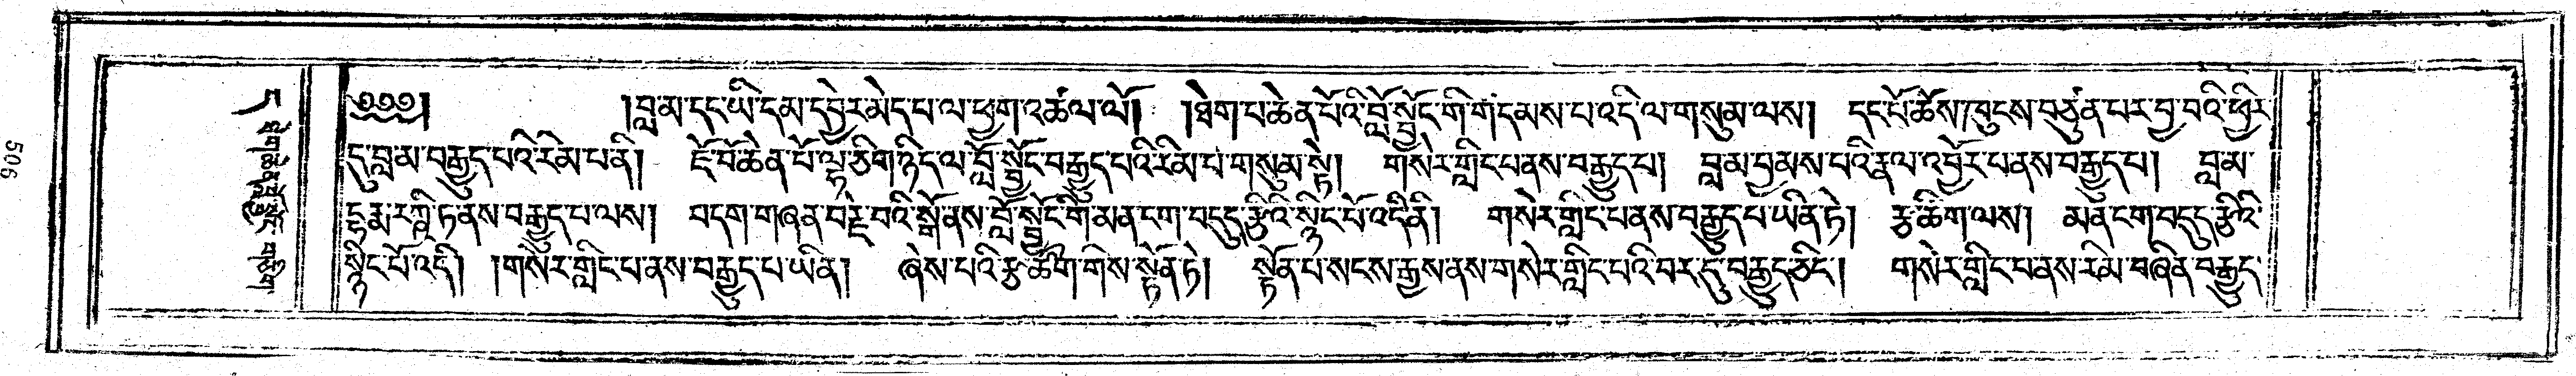༄༅༅། །བླ་མ་དང་ཡི་དམ་དབྱེར་མེད་པ་ལ་ཕྱག་འཚལ་ལོ། །ཐེག་པ་ཆེན་པོའི་བློ་སྦྱོང་གི་གདམས་པ་འདི་ལ་གསུམ་ལས། དང་པོ་ཆོས་ཁུངས་བཙུན་པར་བྱ་བའི་ཕྱིར་
དུ་བླ་མ་བརྒྱུད་པའི་རིམ་པ་ནི། ཇོ་བོ་ཆེན་པོ་ལྷ་ཅིག་ཉིད་ལ་བློ་སྦྱོང་བརྒྱུད་པའི་རིམ་པ་གསུམ་སྟེ། གསེར་གླིང་པ་ནས་བརྒྱུད་པ། བླ་མ་བྱམས་པའི་རྣལ་འབྱོར་པ་ནས་བརྒྱུད་པ། བླ་མ་
དྷ་རྨ་རཀྵི་ཏ་ནས་བརྒྱུད་པ་ལས། བདག་གཞན་བརྗེ་བའི་སྒོ་ནས་བློ་སྦྱོང་གི་མན་ངག་བདུད་རྩིའི་སྙིང་པོ་འདི་ནི། གསེར་གླིང་པ་ནས་བརྒྱུད་པ་ཡིན་ཏེ། རྩ་ཚིག་ལས། མན་ངག་བདུད་རྩིའི་
སྙིང་པོ་འདི། །གསེར་གླིང་པ་ནས་བརྒྱུད་པ་ཡིན། ཞེས་པའི་རྩ་ཚིག་གིས་སྟོན་ཏེ། སྟོན་པ་སངས་རྒྱས་ནས་གསེར་གླིང་པའི་བར་དུ་བརྒྱུད་ཅིང་། གསེར་གླིང་པ་ནས་རིམ་བཞིན་བརྒྱུད་